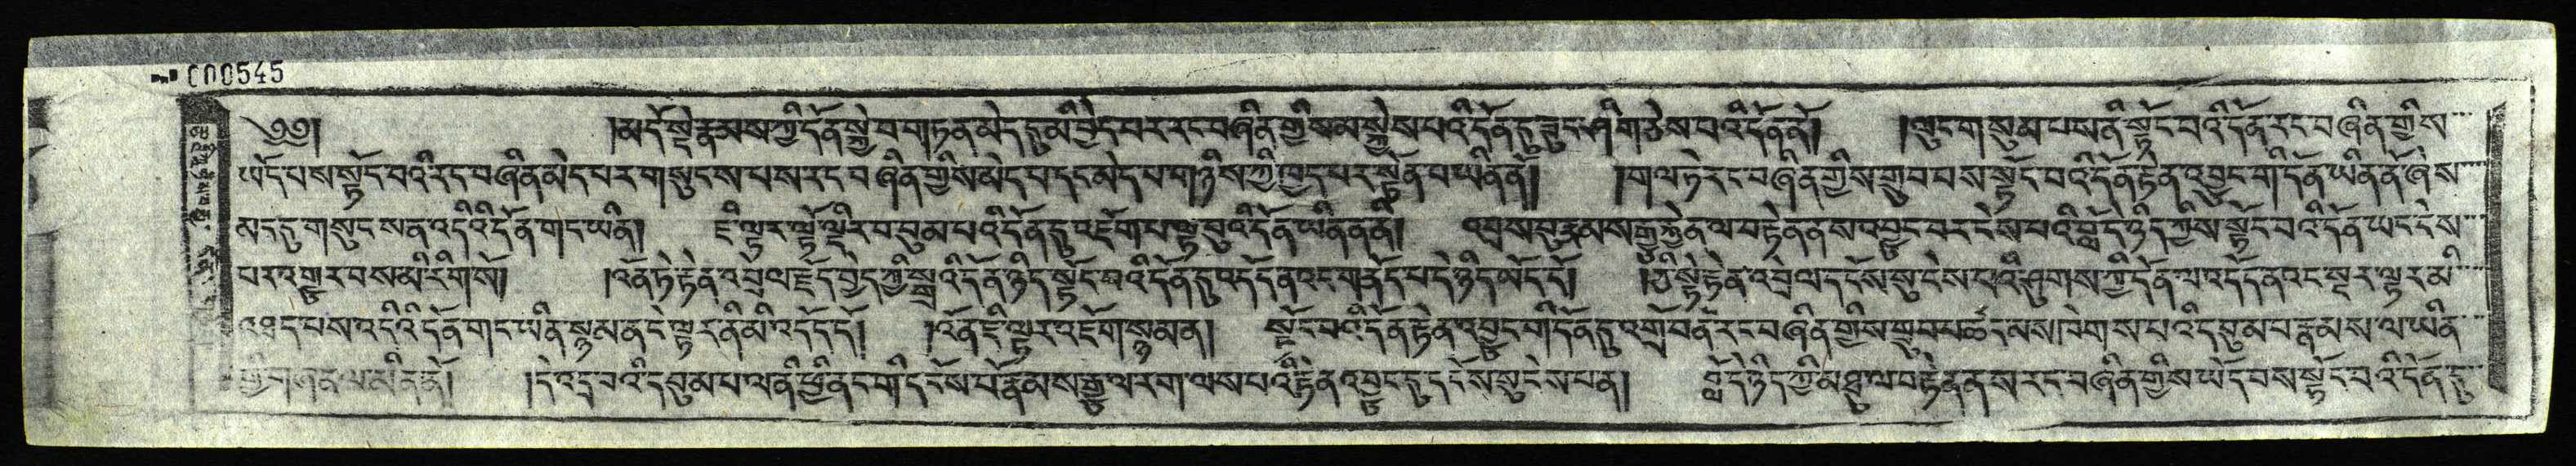༄༅། །མདོ་སྡེ་རྣམས་ཀྱི་དོན་སྐྱེ་བ་གཏན་མེད་དུ་མི་བྱེད་པར་རང་བཞིན་གྱིས་མ་སྐྱེས་པའི་དོན་དུ་ཟུང་ཤིག་ཅེས་པའི་དོན་ནོ། །ལུང་གསུམ་པས་ནི་སྟོང་བའི་དོན་རང་བཞིན་གྱིས་
ཡོད་པས་སྟོང་པའི་རང་བཞིན་མེད་པར་གསུངས་པས་རང་བཞིན་གྱིས་མེད་པ་དང་མེད་པ་གཉིས་ཀྱི་ཁྱད་པར་སྟོན་པ་ཡིན་ནོ། །གལ་ཏེ་རང་བཞིན་གྱིས་གྲུབ་པས་སྟོང་པའི་དོན་རྟེན་འབྱུང་གི་དོན་ཡིན་ནོ་ཞེས་
མང་དུ་གསུངས་ན་འདིའི་དོན་གང་ཡིན། ཇི་ལྟར་ལྟོ་ལྡིར་བ་བུམ་པའི་དོན་དུ་འཇོག་པ་ལྟ་བུའི་དོན་ཡིན་ན་ནི། འབྲས་བུ་རྣམས་རྒྱུ་རྐྱེན་ལ་བརྟེན་ནས་འབྱུང་བར་ངེས་པའི་བློ་དེ་ཉིད་ཀྱིས་སྟོང་པའི་དོན་ཡང་ངེས་
པར་འགྱུར་བས་མི་རིགས་སོ། །འོན་ཏེ་རྟེན་འབྲེལ་རྗོད་བྱེད་ཀྱི་སྒྲའི་དོན་ཉིད་སྟོང་པའི་དོན་དུ་འདོད་ནའང་གནོད་པ་དེ་ཉིད་ཡོད་དོ། །ཅི་སྟེ་རྟེན་འབྲེལ་དངོས་སུ་ངེས་པའི་ཤུགས་ཀྱི་དོན་ལ་འདོད་ནའང་སྔར་ལྟར་མི་
འཐད་པས་འདིའི་དོན་གང་ཡིན་སྙམ་ན་དེ་ལྟར་ནི་མི་འདོད་དོ། །འོ་ན་ཇི་ལྟར་འཇོག་སྙམ་ན། སྟོང་བའི་དོན་རྟེན་འབྱུང་གི་དོན་དུ་འགྲོ་བ་ནི་རང་བཞིན་གྱིས་གྲུབ་པ་ཚད་མས་ཁེགས་པའི་དབུ་མ་པ་རྣམས་ལ་ཡིན་
གྱི་གཞན་ལ་མིན་ནོ། །དེ་འདྲ་བའི་དབུ་མ་པ་ལ་ནི་ཕྱི་ནང་གི་དངོས་པོ་རྣམས་རྒྱུ་ལ་རག་ལས་པའི་རྟེན་འབྱུང་དུ་དངོས་སུ་ངེས་པ་ན། བློ་དེ་ཉིད་ཀྱི་མཐུ་ལ་བརྟེན་ནས་རང་བཞིན་གྱིས་ཡོད་པས་སྟོང་པའི་དོན་དུ་